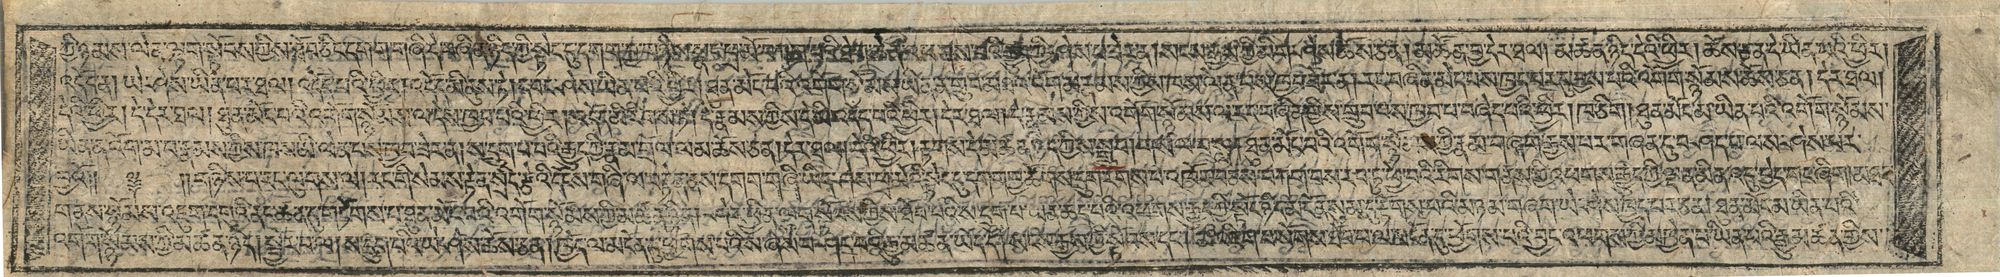གྱི་ཉམས་ལེན་ལྷག་སྟོབས་ཀྱིས་ཐོབ་ཅིང་དགག་གཞི་དེ་བཞིན་ཉིད་ཀྱི་སྟེང་དུ་དགག་བྱ་གཉིས་སྣང་ཕྲ་མོ་བཀག་པའི་ཐེག་ཆེན་འཕགས་པའི་རྒྱུད་ཀྱི་ཤེས་པ་ཟེར་ན། སངས་རྒྱས་ཀྱི་མིག་ཤེས་ཆོས་ཅན། མཚོན་བྱ་དེར་ཐལ། མཚན་ཉིད་དེའི་ཕྱིར། ཆོས་ཅན་དེ་ཡིན་པའི་ཕྱིར།
འདོད་ན། ཡེ་ཤེས་ཡིན་པར་ཐལ། འདོད་པའི་ཕྱིར། འདོད་མི་ནུས་ཏེ། དབང་ཤེས་ཡིན་པའི་ཕྱིར། ཐུན་མོང་བའི་འགོག་སྙོམས་ཡིན་ན་གྲུབ་མཐའ་འོག་མ་རྣམས་ཀྱིས་ཁས་ལེན་པས་ཁྱབ་ཟེར་ན། རང་བཞིན་མེད་པས་ཁྱད་པར་དུ་བྱས་པའི་འགོག་སྙོམས་ཆོས་ཅན། དེར་ཐལ།
དེའི་ཕྱིར། དེ་དེར་ཐལ། ཐུན་མོང་བའི་འགོག་སྙོམས་ལ་དེས་ཁྱབ་པའི་ཕྱིར། འདོད་མི་རིགས་ཏེ། དེ་རྣམས་ཀྱིས་དེ་མི་འདོད་པའི་ཕྱིར། དེར་ཐལ། དེ་རྣམས་ཀྱིས་འགོག་སྙོམས་ལ་རང་བཞིན་གྱིས་གྲུབ་པས་ཁྱབ་པ་བཞེད་པའི་ཕྱིར། ཁ་ཅིག ། ཐུན་མོང་མ་ཡིན་པའི་འགོག་སྙོམས་
ཡིན་ན་འོག་མ་པ་རྣམས་ཀྱིས་ཁས་མི་ལེན་པས་ཁྱབ་ཟེར་ན། ས་དྲུག་པ་བའི་རྒྱུད་ཀྱི་རྣམ་གྲོལ་ལམ་ཆོས་ཅན། དེར་ཐལ། དེའི་ཕྱིར། རྟགས་དེ་མཚན་ཉིད་ཀྱིས་སྒྲུབ། གསལ་བ་སླ། ཐུན་མོང་བའི་འགོག་སྙོམས་ཀྱི་རྣམ་གཞག་རྒྱས་པར་གཞན་དུ་བཤད་པ་ལས་ཤེས་པར་
བྱའོ།། ༈ །།གཉིས་པ་རང་ལུགས་ལ། རང་གི་སེམས་རྟེན་སྲིད་རྩེའི་དངོས་གཞི་ལ་བརྟེན་ནས་དགག་གཞི་ཡིད་ཤེས་ཕྲ་མོའི་སྟེང་དུ་དགག་བྱ་ཚོགས་དྲུག་རགས་པ་འཁོར་བཅས་བཀག་པས་རབ་ཏུ་ཕྱེ་བའི་རིགས་གནས་ཀྱི་འཕགས་རྒྱུད་ཀྱི་ལྡན་མིན་འདུ་བྱེད་གང་ཞིང་། མཐར་
གནས་སྙོམས་འཇུག་དགུའི་ནང་ཚན་དུ་གཏོགས་པ་ཐུན་མོང་བའི་འགོག་སྙོམས་ཀྱི་མཚན་ཉིད། ཤེར་ཕྱིན་ལྷག་སྟོབས་ཀྱིས་ཐོབ་པའི་ས་དྲུག་པ་ཡན་ཆད་པའི་འཕགས་རྒྱུད་ཀྱི་སྟོང་ཉིད་མངོན་སུམ་དུ་རྟོགས་པའི་མཉམ་གཞག་ཡེ་ཤེས་ཁྱད་པར་ཅན། ཐུན་མོང་མ་ཡིན་པའི་
འགོག་སྙོམས་ཀྱི་མཚན་ཉིད། སྦྱོར་བ་ལ། ས་དྲུག་པའི་ཡེ་ཤེས་ཆོས་ཅན། ཁྱོད་ལ་མངོན་དུ་ཕྱོགས་པའི་ས་ཞེས་བཤད་པའི་རྒྱུ་མཚན་ཡོད་དེ། སངས་རྒྱས་ཀྱི་སྟོབས་དང་། མི་འཇིག་པ་སོགས་ཐོབ་པ་ལ་མངོན་དུ་ཕྱོགས་པའི་བྱང་འཕགས་ཀྱི་མཁྱེན་པ་ཡིན་པའི་རྒྱུ་མཚན་གྱིས་